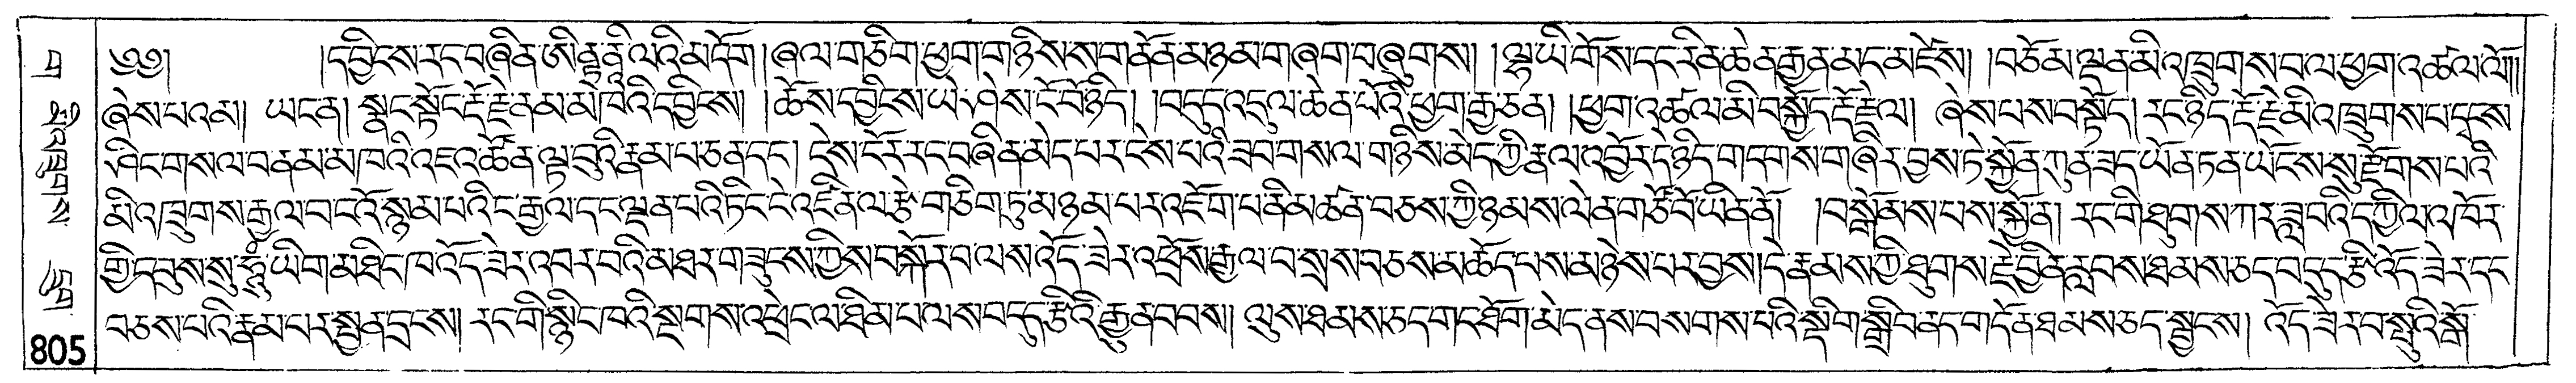༄༅། །དབྱིངས་རང་བཞིན་ཨིནྟྲ་ནཱི་ལའི་མདོག །ཞལ་གཅིག་ཕྱག་གཉིས་ས་གནོན་མཉམ་གཞག་བཞུགས། །ལྷ་ཡི་གོས་དང་རིན་ཆེན་རྒྱན་མང་མཛེས། །བཅོམ་ལྡན་མི་འཁྲུགས་པ་ལ་ཕྱག་འཚལ་ལོ། །
ཞེས་པའམ། ཡང་ན། སྣང་སྟོང་རྡོ་རྗེ་ནམ་མཁའི་དབྱིངས། །ཆོས་དབྱིངས་ཡེ་ཤེས་ངོ་བོ་ཉིད། །བདུད་འདུལ་ཆེན་པོའི་ཕྱག་རྒྱ་ཅན། །ཕྱག་འཚལ་མི་བསྐྱོད་རྡོ་རྗེ་ལ། ཞེས་པས་བསྟོད། རང་ཉིད་རྡོ་རྗེ་མི་འཁྲུགས་པ་དྭངས་
ཤིང་གསལ་བ་ནམ་མཁའི་འཇའ་ཚོན་ལྟ་བུའི་རྣམ་པ་ཅན་དང་། དེས་ངོར་རང་བཞིན་མེད་པར་ངེས་པའི་ཟབ་གསལ་གཉིས་མེད་ཀྱི་རྣལ་འབྱོར་དེ་ཉིད་གདགས་གཞིར་བྱས་ཏེ་སྐྱོན་ཀུན་ཟད་ཡོན་ཏན་ཡོངས་སུ་རྫོགས་པའི་
མི་འཁྲུགས་རྒྱལ་བ་ངའོ་སྙམ་པའི་ང་རྒྱལ་དང་ལྡན་པའི་ཏིང་ངེ་འཛིན་ལ་རྩེ་གཅིག་ཏུ་མཉམ་པར་འཇོག་པ་ནི་མཚན་བཅས་ཀྱི་ཉམས་ལེན་གཙོ་བོ་ཡིན་ནོ། །བསྒོམས་པས་སྐྱོན། རང་གི་ཐུགས་ཀར་ཟླ་བའི་དཀྱིལ་འཁོར་
གྱི་དབུས་སུ་ཧཱུཾ་ཡིག་མཐིང་ཁ་འོད་ཟེར་འབར་བའི་མཐར་གཟུངས་ཀྱིས་བསྐོར་བ་ལས་འོད་ཟེར་འཕྲོས་རྒྱལ་བ་སྲས་བཅས་མཆོད་པས་མཉེས་པར་བྱས། དེ་རྣམས་ཀྱི་ཐུགས་རྗེ་བྱིན་རླབས་ཐམས་ཅད་བདུད་རྩི་འོད་ཟེར་དང་
བཅས་པའི་རྣམ་པར་སྤྱན་དྲངས། རང་གི་སྙིང་ཁའི་སྔགས་འཕྲེང་ལ་ཐིམ་པ་ལས་བདུད་རྩིའི་རྒྱུན་བབས། ལུས་ཐམས་ཅད་གང་ཐོག་མེད་ནས་བསགས་པའི་སྡིག་སྒྲིབ་ནད་གདོན་ཐམས་ཅད་སྦྱངས། འོད་ཟེར་བ་སྤུའི་སྒོ་